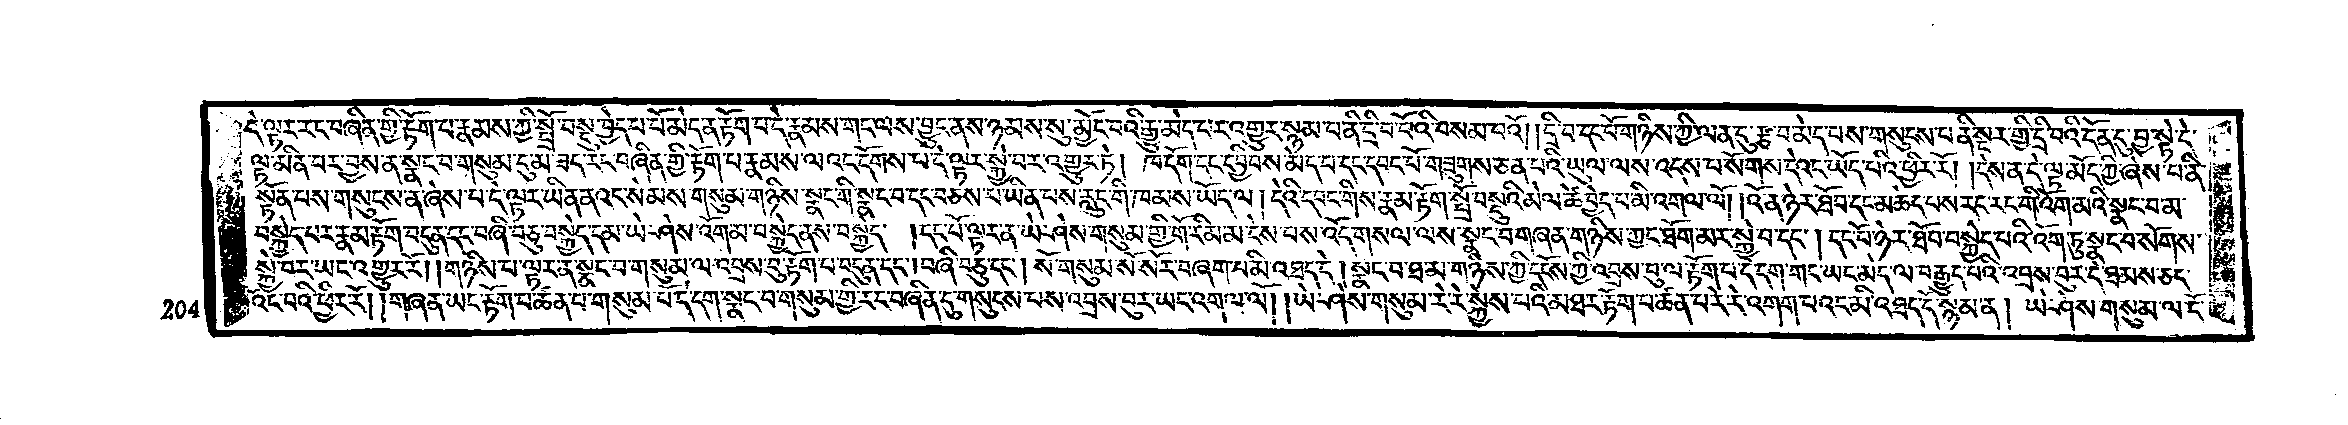དེ་ལྟར་རང་བཞིན་གྱི་རྟོག་པ་རྣམས་ཀྱི་སྤྲོ་བསྡུ་བྱེད་པ་པོ་མེད་ན་རྟོག་པ་དེ་རྣམས་གང་ལས་བྱུང་ནས་ཉམས་སུ་མྱོང་བའི་རྒྱུ་མེད་པར་འགྱུར་སྙམ་པ་ནི་དྲི་བ་པོའི་བསམ་པའོ། །དྲི་བ་དང་པོ་གཉིས་ཀྱི་ལན་དུ་རྩ་བ་མེད་པས་གསུངས་པ་ནི་སྔར་གྱི་དྲི་བའི་དོན་དུ་བྱ་སྟེ་དེ་
ལྟ་མིན་པར་བྱས་ན་སྣང་བ་གསུམ་དུ་མ་ཟད་རང་བཞིན་གྱི་རྟོག་པ་རྣམས་ལའང་དོགས་པ་དེ་ལྟར་སྐྱེ་བར་འགྱུར་ཏེ། ཁ་དོག་དང་དབྱིབས་མེད་པ་དང་དབང་པོ་གཟུགས་ཅན་པའི་ཡུལ་ལས་འདས་པ་སོགས་དེའང་ཡོད་པའི་ཕྱིར་རོ། །དེས་ན་དེ་ལྟ་མོད་ཀྱི་ཞེས་པ་ནི་
སྟོན་པས་གསུངས་ན་ཞེས་པ་དེ་ལྟར་ཡིན་ནའང་སེམས་གསུམ་གཉིས་སྣང་གི་སྣང་བ་དང་བཅས་པ་ཡིན་པས་རླུང་གི་ཁམས་ཡོད་ལ། དེའི་དབང་གིས་རྣམ་རྟོག་སྤྲོ་བསྡུའི་མེལ་ཚེ་བྱེད་པ་མི་འགལ་ལོ། །འོ་ན་ཉེར་ཐོབ་དང་མཆེད་པས་རང་རང་གི་འོག་མའི་སྣང་བ་མ་
བསྐྱེད་པར་རྣམ་རྟོག་བདུན་དང་བཞི་བཅུ་བསྐྱེད་དམ་ཡེ་ཤེས་འོག་མ་བསྐྱེད་ནས་བསྐྱེད་།དང་པོ་ལྟར་ན་ཡེ་ཤེས་གསུམ་གྱི་གོ་རིམ་མ་ངེས་པས་འོད་གསལ་ལས་སྣང་བ་གཞན་གཉིས་ཀྱང་ཐོག་མར་སྐྱེ་བ་དང་། དང་པོ་ཉེར་ཐོབ་བསྐྱེད་པའི་འོག་ཏུ་སྣང་བ་སོགས་
སྐྱེ་བར་ཡང་འགྱུར་རོ། །གཉིས་པ་ལྟར་ན་སྣང་བ་གསུམ་ལ་འབྲས་བུ་རྟོག་པ་བདུན་དང་། བཞི་བཅུ་དང་། སོ་གསུམ་སོ་སོར་བཞག་པ་མི་འཐད་དེ། སྣང་བ་ཐ་མ་གཉིས་ཀྱི་དངོས་ཀྱི་འབྲས་བུ་ལ་རྟོག་པ་དེ་དག་གང་ཡང་མེད་ལ་བརྒྱུད་པའི་འབྲས་བུར་དེ་ཐམས་ཅད་
འོང་བའི་ཕྱིར་རོ། །གཞན་ཡང་རྟོག་པ་ཚན་པ་གསུམ་པོ་དེ་དག་སྣང་བ་གསུམ་གྱི་རང་བཞིན་དུ་གསུངས་པས་འབྲས་བུར་ཡང་འགལ་ལོ། །ཡེ་ཤེས་གསུམ་རེ་རེ་སྐྱེས་པའི་མཐར་རྟོག་པ་ཚན་པ་རེ་རེ་འགག་པའང་མི་འཐད་དོ་སྙམ་ན། ཡེ་ཤེས་གསུམ་ལ་ངོ་